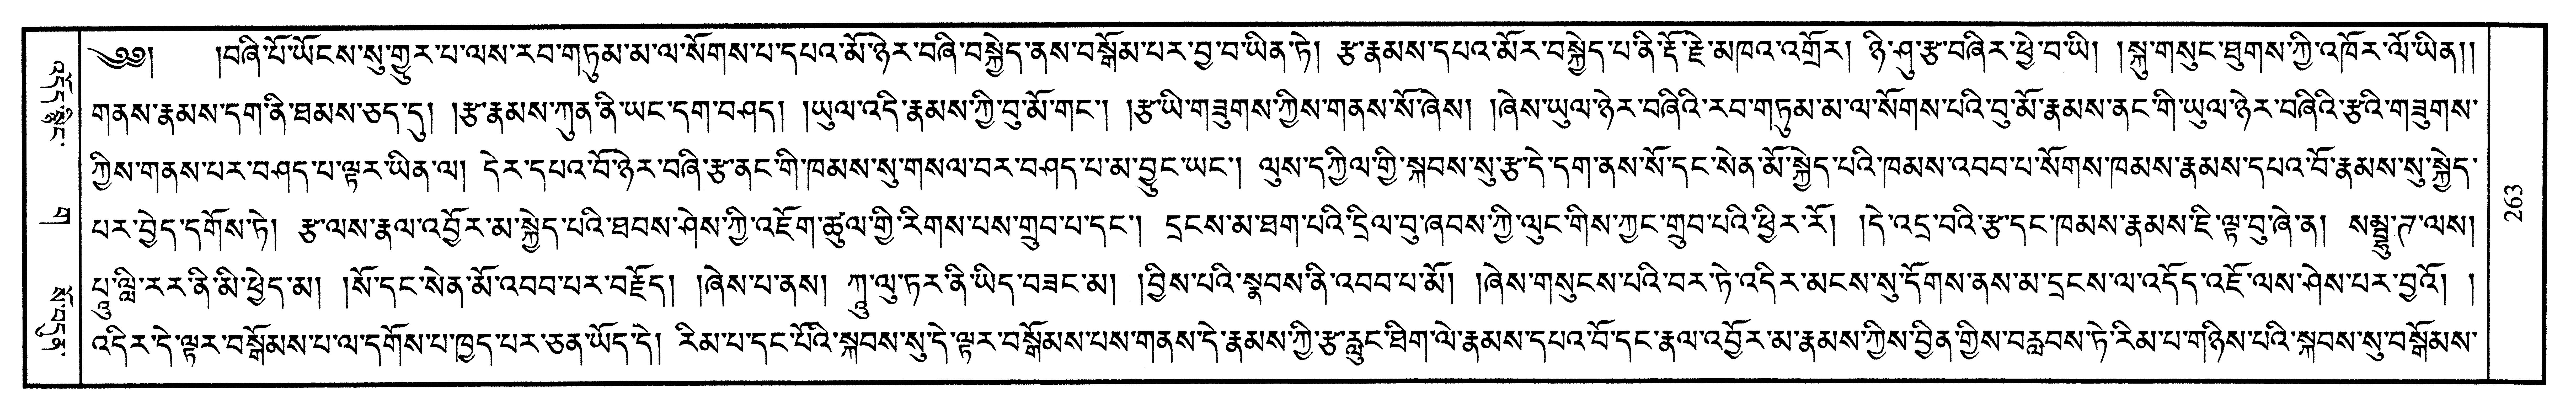༄༅། །བཞི་པོ་ཡོངས་སུ་གྱུར་པ་ལས་རབ་གཏུམ་མ་ལ་སོགས་པ་དཔའ་མོ་ཉེར་བཞི་བསྐྱེད་ནས་བསྒོམ་པར་བྱ་བ་ཡིན་ཏེ། རྩ་རྣམས་དཔའ་མོར་བསྐྱེད་པ་ནི་རྡོ་རྗེ་མཁའ་འགྲོར། ཉི་ཤུ་རྩ་བཞིར་ཕྱེ་བ་ཡི། །སྐུ་གསུང་ཐུགས་ཀྱི་འཁོར་ལོ་ཡིན།།
གནས་རྣམས་དག་ནི་ཐམས་ཅད་དུ། །རྩ་རྣམས་ཀུན་ནི་ཡང་དག་བཤད། །ཡུལ་འདི་རྣམས་ཀྱི་བུ་མོ་གང་། །རྩ་ཡི་གཟུགས་ཀྱིས་གནས་སོ་ཞེས། །ཞེས་ཡུལ་ཉེར་བཞིའི་རབ་གཏུམ་མ་ལ་སོགས་པའི་བུ་མོ་རྣམས་ནང་གི་ཡུལ་ཉེར་བཞིའི་རྩའི་གཟུགས་
ཀྱིས་གནས་པར་བཤད་པ་ལྟར་ཡིན་ལ། དེར་དཔའ་བོ་ཉེར་བཞི་རྩ་ནང་གི་ཁམས་སུ་གསལ་བར་བཤད་པ་མ་བྱུང་ཡང་། ལུས་དཀྱིལ་གྱི་སྐབས་སུ་རྩ་དེ་དག་ནས་སོ་དང་སེན་མོ་སྐྱེད་པའི་ཁམས་འབབ་པ་སོགས་ཁམས་རྣམས་དཔའ་བོ་རྣམས་སུ་སྐྱེད་
པར་བྱེད་དགོས་ཏེ། རྩ་ལས་རྣལ་འབྱོར་མ་སྐྱེད་པའི་ཐབས་ཤེས་ཀྱི་འཇོག་ཚུལ་གྱི་རིགས་པས་གྲུབ་པ་དང་། དྲངས་མ་ཐག་པའི་དྲིལ་བུ་ཞབས་ཀྱི་ལུང་གིས་ཀྱང་གྲུབ་པའི་ཕྱིར་རོ། །དེ་འདྲ་བའི་རྩ་དང་ཁམས་རྣམས་ཇི་ལྟ་བུ་ཞེ་ན། སམྦྷུ་ཊ་ལས།
པཱུ་ལླི་རར་ནི་མི་ཕྱེད་མ། །སོ་དང་སེན་མོ་འབབ་པར་བརྗོད། །ཞེས་པ་ནས། ཀཱུ་ལུ་ཏར་ནི་ཡིད་བཟང་མ། །བྱིས་པའི་སྣབས་ནི་འབབ་པ་མོ། །ཞེས་གསུངས་པའི་བར་ཏེ་འདིར་མངས་སུ་དོགས་ནས་མ་དྲངས་ལ་འདོད་འཇོ་ལས་ཤེས་པར་བྱའོ། །
འདིར་དེ་ལྟར་བསྒོམས་པ་ལ་དགོས་པ་ཁྱད་པར་ཅན་ཡོད་དེ། རིམ་པ་དང་པོའི་སྐབས་སུ་དེ་ལྟར་བསྒོམས་པས་གནས་དེ་རྣམས་ཀྱི་རྩ་རླུང་ཐིག་ལེ་རྣམས་དཔའ་བོ་དང་རྣལ་འབྱོར་མ་རྣམས་ཀྱིས་བྱིན་གྱིས་བརླབས་ཏེ་རིམ་པ་གཉིས་པའི་སྐབས་སུ་བསྒོམས་